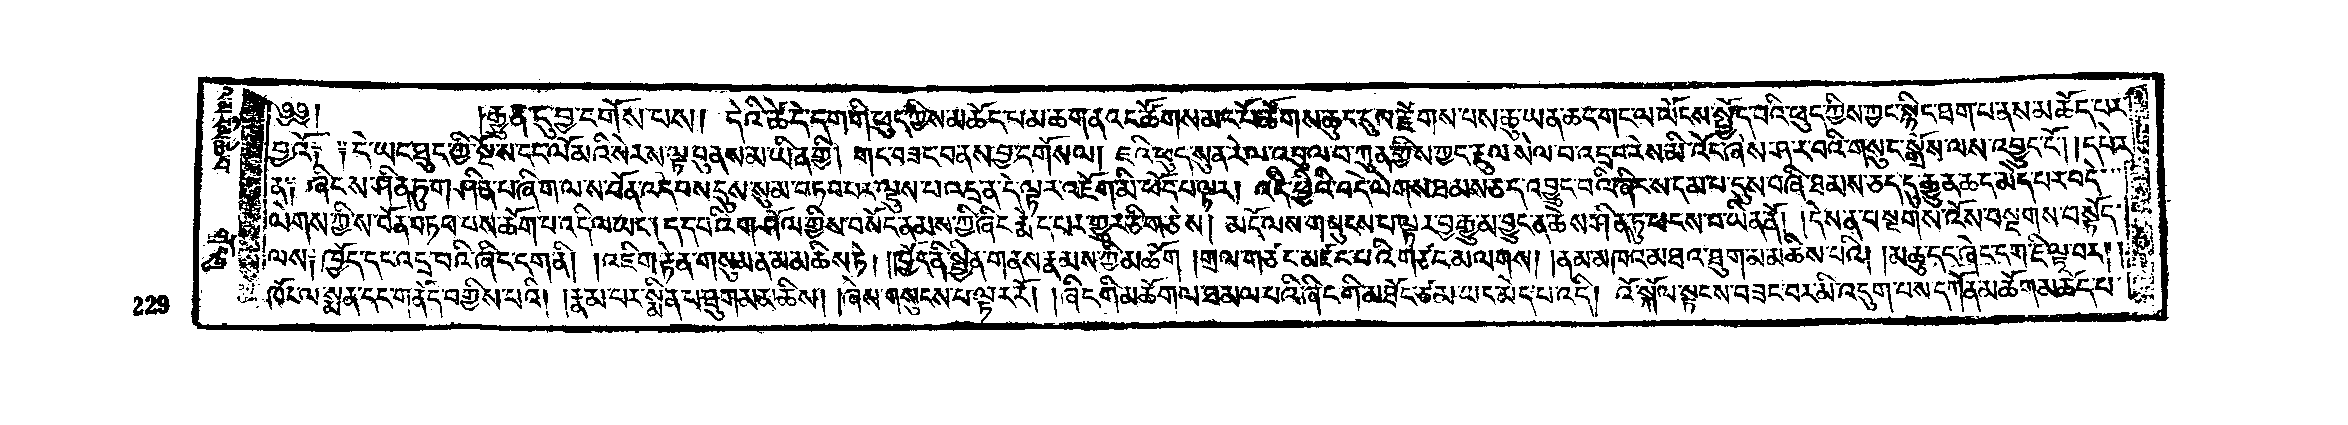༄༅། །རྒྱུན་དུ་བྱ་དགོས་པས། དེའི་ཚེ་དེ་དག་གི་ཕུད་ཀྱིས་མཆོད་པ་མ་ཆག་ནའང་ཚོགས་མང་པོ་ཚེགས་ཆུང་ངུས་རྫོགས་པས་ཆུ་ཡན་ཆད་གང་ལ་ལོངས་སྤྱོད་པའི་ཕུད་ཀྱིས་ཀྱང་སྙིང་ཐག་པ་ནས་མཆོད་པར་
བྱའོ༑ ༑དེ་ཡང་ཐུད་ཀྱི་སྔོ་ས་དང་ལོ་མའི་སེར་ས་ལྟ་བུ་ནས་མ་ཡིན་གྱི། གང་བཟང་བ་ནས་བྱ་དགོས་ལ། ཇའི་ཕུད་སུན་རེ་ལ་འབུལ་བ་ཀུན་གྱིས་ཀྱང་རྡུལ་སེལ་བ་འདྲ་བ་རེས་མི་འོང་ཞེས་ཤ་ར་བའི་གསུང་སྒྲོས་ལས་འབྱུང་ངོ། །དཔེར་
ན༑ ཞིང་ས་ཤིན་ཏུ་གཤིན་པ་ཞིག་ལ་ས་བོན་འདེབས་དུས་སུ་མ་བཏབ་པར་ལྡུས་པ་འདྲ་ན་དེ་ལྟར་འཇོག་མི་ཕོད་པ་ལྟར། འདི་ཕྱིའི་བདེ་ལེགས་ཐམས་ཅད་འབྱུང་བའི་ཞིང་ས་དམ་པ་དུས་བཞི་ཐམས་ཅད་དུ་རྒྱུན་ཆད་མེད་པར་བདེ་
ལེགས་ཀྱི་ས་བོན་བཏབ་པས་ཆོག་པ་འདི་ལ་ཡང་། དད་པའི་གཤོལ་གྱིས་བསོད་ནམས་ཀྱི་ཞིང་རྨེད་པར་གྱུར་ཅིག་ཅེས། མདོ་ལས་གསུངས་པ་ལྟར་བྱ་རྒྱུ་མ་བྱུང་ན་ཆེས་ཤིན་ཏུ་ཕངས་པ་ཡིན་ནོ། །དེས་ན་བསྔགས་འོས་བསྔགས་བསྟོད་
ལས༑ ཁྱོད་དང་འདྲ་བའི་ཞིང་དག་ནི། །འཇིག་རྟེན་གསུམ་ན་མ་མཆིས་ཏེ། །ཁྱོད་ནི་སྦྱིན་གནས་རྣམས་ཀྱི་མཆོག །གྲལ་གཙང་མཛད་པའི་གཙང་མ་ལགས། །ནམ་མཁའ་མཐའ་ཐུག་མ་མཆིས་པའི། །མཆུ་དང་ཞེང་དག་ཇི་ལྟ་བར། །
ཁྱོད་ལ་སྨན་དང་གནོད་བགྱིས་པའི། །རྣམ་པར་སྨིན་པ་ཐུག་མ་མཆིས། །ཞེས་གསུངས་པ་ལྟར་རོ། །ཞིང་གི་མཆོག་ལ་ཐ་མལ་པའི་ཞིང་གི་མཐོང་ཙམ་ཡང་མེད་པ་འདི། འོ་སྐོལ་སྟངས་བཟང་བར་མི་འདུག་པས་དཀོན་མཆོག་མཆོད་པ་